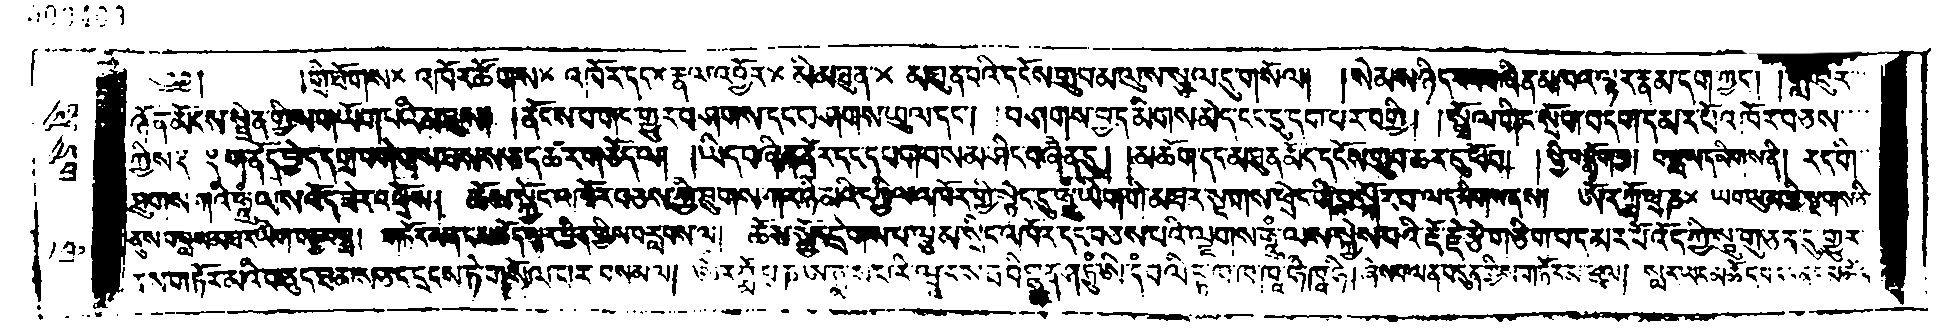༄༅། །གྲི་ཐོགས་྾་འཁོར་ཚོགས་྾་འཁོར་དང་྾་རྣལ་འབྱོར་྾་མི་མཐུན་྾་མཐུན་པའི་དངོས་གྲུབ་མ་ལུས་སྩལ་དུ་གསོལ། །སེམས་ཉིད་རང་བཞིན་མཁའ་ལྟར་རྣམ་དག་ཀྱང་། །གློ་བུར་
ཉོན་མོངས་སྤྲིན་གྱིས་གཡོག་པའི་མཐུས། །ནོངས་པ་གང་གྱུར་བཤགས་དང་བཤགས་ཡུལ་དང་། །བཤགས་བྱ་དམིགས་མེད་ངང་དུ་དག་པར་བགྱི། །སྒྲོལ་གིང་སྲོག་བདག་དམར་པོ་འཁོར་བཅས་
ཀྱིས། །གནོད་བྱེད་དགྲ་བགེགས་ཐམས་ཅད་ཚར་གཅོད་ལ། །ཡིད་བཞིན་ནོར་དང་དཔག་བསམ་ཤིང་བཞིན་དུ། །མཆོག་དང་མཐུན་མོང་དངོས་གྲུབ་ཆར་དུ་ཕོབ། ། སྤྱི་བཟློག་བྱ། བཟླས་དམིགས་ནི།  རང་གི་
ཐུགས་ཀའི་ཧཱུཾ་ལས་འོད་ཟེར་འཕྲོས། ཆོས་སྐྱོང་འཁོར་བཅས་ཀྱི་ཐུགས་ཀར་ཉི་མའི་དཀྱིལ་འཁོར་གྱི་སྟེང་དུ་ཧཱུཾ་ཡིག་གི་མཐར་སྔགས་ཕྲེང་གིས་བསྐོར་བ་ལ་དམིགས་ནས།  ཨོཾ་ར་ཀྨོ་ཕྲ་ཎ྾་ཡབ་ཡུམ་གྱི་སྔགས་ཅི་
ནུས་བཟླས་མཐར་ཡིག་བརྒྱ་བཟླ། གཏོར་མ་ནང་མཆོད་ལྟར་བྱིན་གྱིས་བརླབས་ལ། ཆོས་སྐྱོང་དྲེགས་པ་ལྕམ་སྲིད་འཁོར་དང་བཅས་པའི་ལྗགས་ཧཱུཾ་ལས་སྐྱེས་པའི་རྡོ་རྗེ་རྩེ་གཅིག་པ་དམར་པོ་འོད་ཀྱི་སྦུ་གུ་ཅན་དུ་གྱུར་
ནས་གཏོར་མའི་བཅུད་ཐམས་ཅད་དྲངས་ཏེ་གསོལ་པར་བསམ་ལ།  ཨོཾ་རཀྨོ་པྲ་ཎ་ཨ་ཏྨ་ས་པ་རི་ཝཱ་ར་སརྦ་བིགྷྣ་ན་ཤ་ཏྲུཾ་ཨི་དཾ་བ་ལི་དྟ་ཁ་ཁ་ཁཱ་ཧི་ཁཱ་ཧི། ཞེས་པ་ལན་བདུན་གྱིས་གཏོར་མ་ཕུལ། སླར་ཡང་མཆོད་པ་དང་ནང་མཆོད་